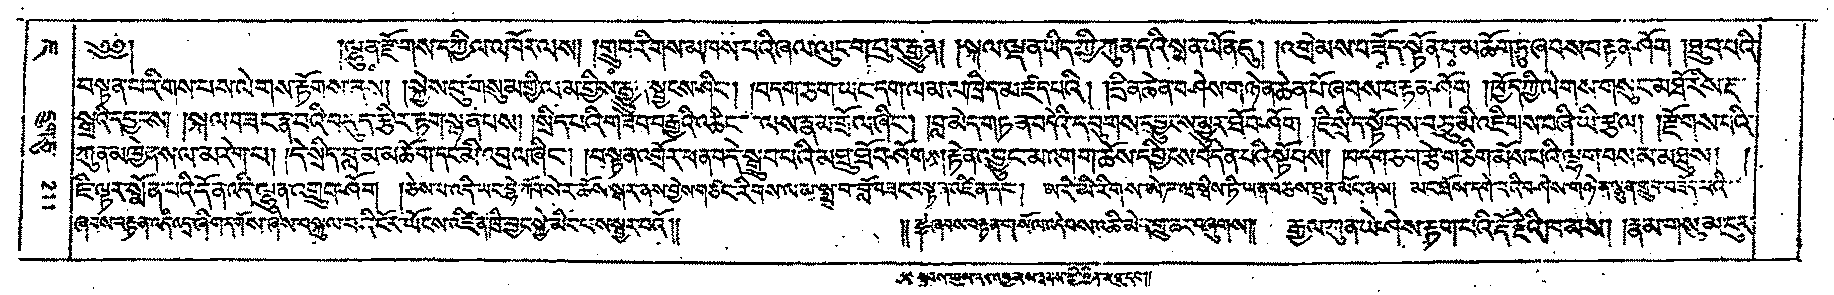༄༅། །ལྷུན྾་རྫོགས་དཀྱིལ་འཁོར་ལས། །གྲུབ྾་རིགས་མཁས་པའི་ཞལ་ལུང་ག་པུར་རྒྱུན། །སྐལ་ལྡན་ཡིད་ཀྱི་ཀུན་དའི་སྨན་ཡོན་དུ། །འགྲེམས་བཟོད྾་སྟོན་པ྾་མཆོག་ཏུ་ཞབས་བརྟན་ཤོག །ཐུབ་པའི་
བསྟན་པ་རིགས་པས་ལེགས་རྟོགས་ནས། །སྐྱེས་བུ་གསུམ་གྱི་ལམ་གྱིས་རྒྱུད་སྦྱངས་ཤིང་། །བདག་ཅག་ཡང་དག་ལམ་ལ་ཁྲིད་མཛད་པའི། །དྲིན་ཆེན་བཤེས་གཉེན་ཆེན་པོ་ཞབས་བརྟན་ཤོག །ཁྱོད་ཀྱི་ལེགས་གསུང་མཐོ་རིས་རྔ་
སྒྲའི་དབྱངས། །སྐལ་བཟང་རྣ་བའི་བདུད་རྩིར་རྟག་སྙན་པས། །སྲིད་པའི་གཟེབ་བརྒྱའི་འཆིང་ལས་རྣམ་གྲོལ་ཞིང་། །བླ་མེད་གཏན་བདེའི་དབུགས་དབྱུངས་མྱུར་ཐོབ་ཤོག །ཇི་སྲིད་སྟོབས་བཅུ་མི་འཇིགས་བཞི་ཡི་རྩལ། །རྫོགས་པའི་
ཀུན་མཁྱེན་ས་ལ་མ་རེག་པ། །དེ་སྲིད་བླ་མ་མཆོག་དང་མི་འབྲལ་ཞིང་། །བསྟན་འགྲོར་ཕན་བདེ་སྒྲུབ་པའི་མཐུ་ཐོབ་ཤོག་~྾། རྟེན་འབྱུང་མ་འགག་ཆོས་དབྱིངས་བདེན་པའི་སྟོབས། །བདག་ཅག་རྩེ་གཅིག་མོས་པའི་ལྷག་བསམ་མཐུས། །
ཇི་ལྟར་སྨོན་པའི་དོན་འདི་ལྷུན་འགྲུབ་ཤོག །ཅེས་པ་འདི་ཡང་བྷེ་ཀོབ་སེར་ཆོས་སྒར་ནས་བྱེས་གཙང་རིགས་ལམ་སྨྲ་བ་བློ་བཟང་བསྟན་འཛིན་དང་། ཨ་རི་མི་རིགས་ཨེ་ཌ་ཝ་སྦིས་ཏི་ཡན་བཅས་ཐུན་མོང་ནས། མང་ཐོས་དགེ་བའི་བཤེས་གཉེན་ལྷུན་གྲུབ་བཟོད་པའི་
ཞབས་བརྟན་འདི་འདྲ་ཞིག་དགོས་ཞིས་བསྐུལ་བའི་ངོར་ཡོངས་འཛིན་ཁྲི་བྱང་སྐྱེ་མིང་པས་སྦྱར་བའོ།། །། ༈ ཞབས་བརྟན་གསོལ་འདེབས་འཆི་མེད་གྲུ་ཆར་བཞུགས། །རྒྱལ་ཀུན་ཡེ་ཤེས་རྟག་པའི་རྡོ་རྗེའི་ཁམས། །རྣམ་གསུམ་ངུར་